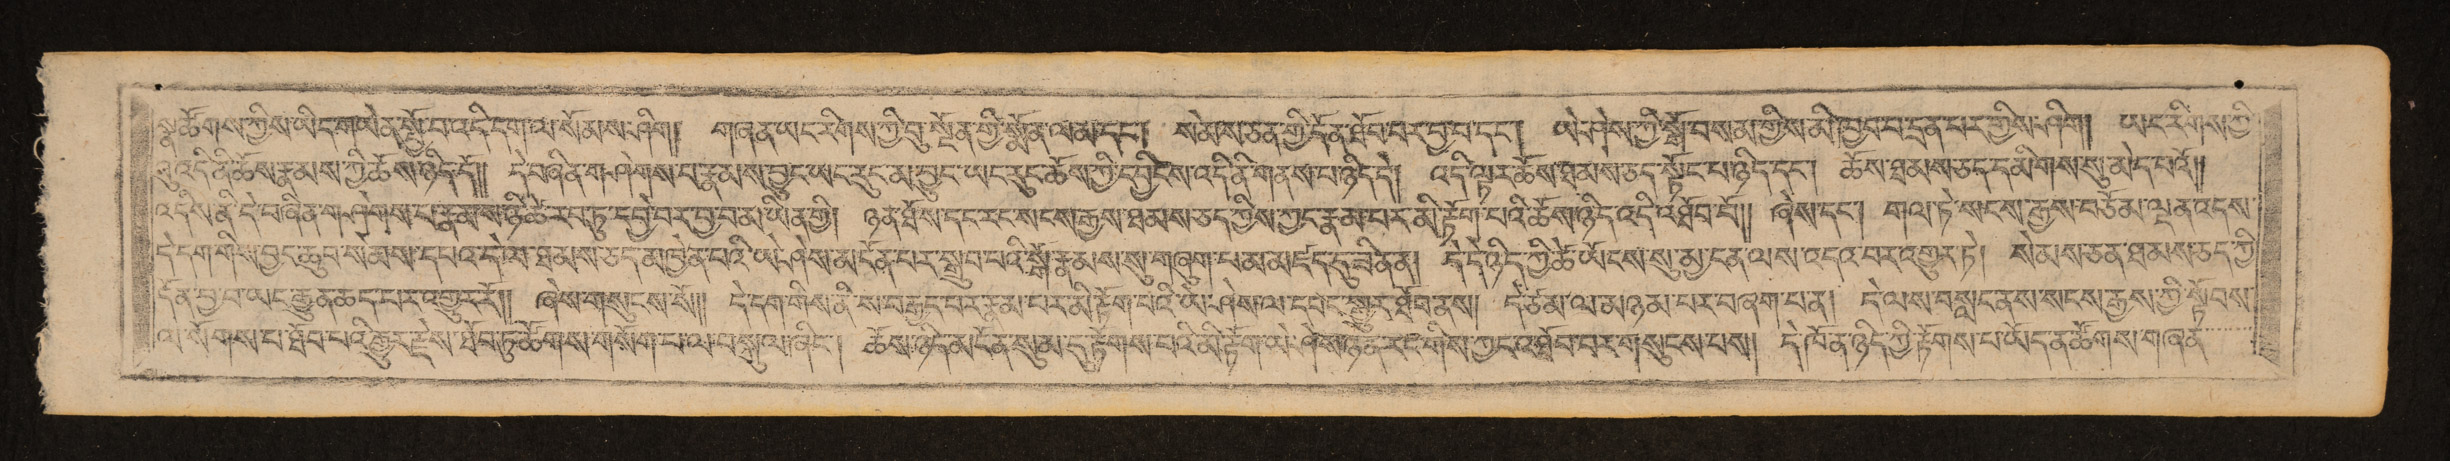སྣ་ཚོགས་ཀྱིས་ཡིད་གཡེན་སྤྱོ་བ་འདི་དག་ལ་སོམས་ཤིག། གཞན་ཡང་རིགས་ཀྱི་བུ་སྔོན་གྱི་སྨོན་ལམ་དང་། སེམས་ཅན་གྱི་དོན་ཐོབ་པར་བྱ་བ་དང་། ཡེ་ཤེས་ཀྱི་སྒོ་བསམ་གྱིས་མི་ཁྱབ་པ་དྲན་པར་གྱིས་ཤིག། ཡང་རིགས་ཀྱི་
བུ་འདི་ནི་ཆོས་རྣམས་ཀྱི་ཆོས་ཉིད་དོ།། དེ་བཞིན་གཤེགས་པ་རྣམས་བྱུང་ཡང་རུང་མ་བྱུང་ཡང་རུང་ཆོས་ཀྱི་དབྱིངས་འདི་ནི་གནས་པ་ཉིད་དེ། འདི་ལྟར་ཆོས་ཐམས་ཅད་སྟོང་པ་ཉིད་དང་། ཆོས་ཐམས་ཅད་དམིགས་སུ་མེད་པའོ།།
འདིས་ནི་དེ་བཞིན་གཤེགས་པ་རྣམས་ཉི་ཚེ་རབ་ཏུ་དབྱེ་བར་བྱ་བ་མ་ཡིན་གྱི། ཉན་ཐོས་དང་རང་སངས་རྒྱས་ཐམས་ཅད་ཀྱིས་ཀྱང་རྣམ་པར་མི་རྟོག་པའི་ཆོས་ཉིད་འདི་འཐོབ་བོ།། ཞེས་དང་། གལ་ཏེ་སངས་རྒྱས་བཅོམ་ལྡན་འདས་
དེ་དག་གིས་བྱང་ཆུབ་སེམས་དཔའ་དེ་ལ་ཐམས་ཅད་མཁྱེན་པའི་ཡེ་ཤེས་མངོན་པར་སྒྲུབ་པའི་སྒོ་རྣམས་སུ་གཞུག་པ་མ་མཛད་དུ་ཟིན་ན། དེ་དེ་ཉིད་ཀྱི་ཚེ་ཡོངས་སུ་མྱ་ངན་ལས་འདའ་བར་འགྱུར་ཏེ། སེམས་ཅན་ཐམས་ཅད་ཀྱི་
དོན་བྱ་བ་ཡང་རྒྱུན་ཆད་པར་འགྱུར་རོ།། ཞེས་གསུངས་སོ།། དེ་དག་གིས་ནི་ས་བརྒྱད་པར་རྣམ་པར་མི་རྟོག་པའི་ཡེ་ཤེས་ལ་དབང་སྒྱུར་ཐོབ་ནས། དེ་ཙམ་ལ་མཉམ་པར་བཞག་པ་ན། དེ་ལས་བསླང་ནས་སངས་རྒྱས་ཀྱི་སྟོབས་
ལ་སོགས་པ་ཐོབ་པའི་རྒྱུར་རྗེས་ཐོབ་ཏུ་ཚོགས་གསོག་པ་ལ་བསྐུལ་ཞིང་། ཆོས་ཉིད་མངོན་སུམ་དུ་རྟོགས་པའི་མི་རྟོག་ཡེ་ཤེས་ཉན་རང་གིས་ཀྱང་འཐོབ་པར་གསུངས་པས། དེ་ཁོ་ན་ཉིད་ཀྱི་རྟོགས་པ་ཡོད་ན་ཚོགས་གཞན་